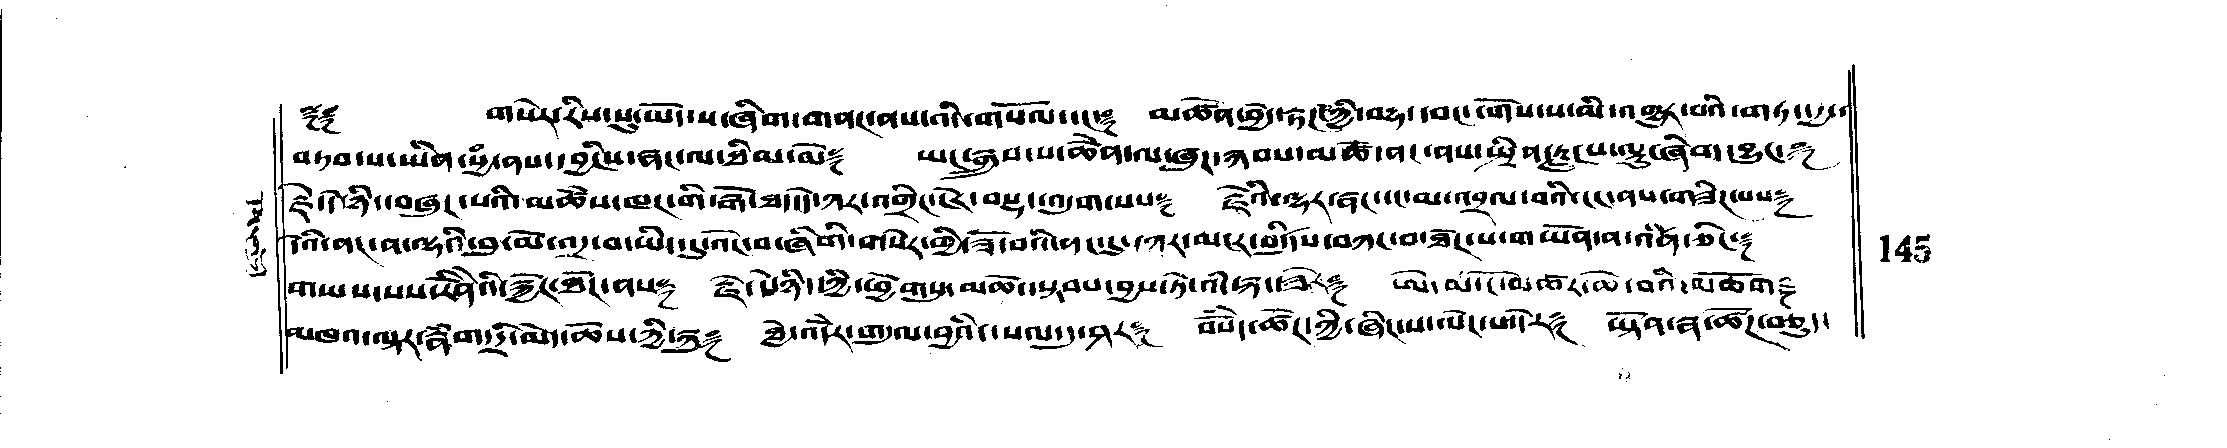གསེར་རིས་སུ་ཡོད་པ་ཞིག་གནང་ནས་འདི་གསོལ་དང་།མཚོན་བྱེད་རྟགས་ཀྱི་བརྡ་དབང་དགོངས་པ་མི་འགྱུར་བའི་གཏད་རྒྱས་
བཏབ་པ་ཡིན་གསུངས་ནས་དབྱིངས་སྣང་ལ་ཐིམ་མོ། ཡང་སྒྲུབ་པ་ཆེན་པོ་ཞུགས་སྐབས་མཚོ་ནང་ནས་སྤྲིན་རླངས་ལྟ་བུ་ཞིག་བྱུང་། 
རྗེ་དེ་ཉིད་བཞུགས་པའི་མཚམས་ཁང་གི་སྒོ་ཐད་དེ་ཀར་འགྲེང་ངེར་བསྡད་འདུག་པས། རྗེའི་ལྷར་སྣང་དང་མ་འབྲལ་བའི་ངང་ནས་གཟིགས་པས། 
དེའི་ནང་ན་ལྷའི་བུ་མོ་འདྲ་བ་ཡིད་དུ་འོང་བ་ཞིག་གིས་གསེར་གྱི་ཟོ་བའི་ནང་དུ་དཀར་མངར་བདུད་རྩིས་བཀང་བ་ཐོད་པ་གཡོན་ན་འཛིན་ཅིང་། 
གཡས་པས་རིན་པོ་ཆེའི་སྐྱོགས་ཐོགས་ནས། རྗེ་དེ་ཉིད་ཀྱི་ཕྱོགས་སུ་མཆོང་སྟབས་བྱས་ཏེ་འདི་སྐད་ཟེར། ཨེ་མ་ངོ་མཚར་ཆེ་བའི་མཆོག །
མཁའ་ལྟར་རྣམ་དག་དྲི་མེད་ཆོས་ཀྱི་སྐུ། །ཐུགས་རྗེ་འོད་ཟེར་གདུལ་བྱའི་དཔལ་དུ་ཤར། །བསོད་ནམས་ཚོགས་ཀྱི་ཞིང་ས་ལེགས་པ་དེར། །ཡོན་ཏན་སྣ་ཚོགས་བཅུད་